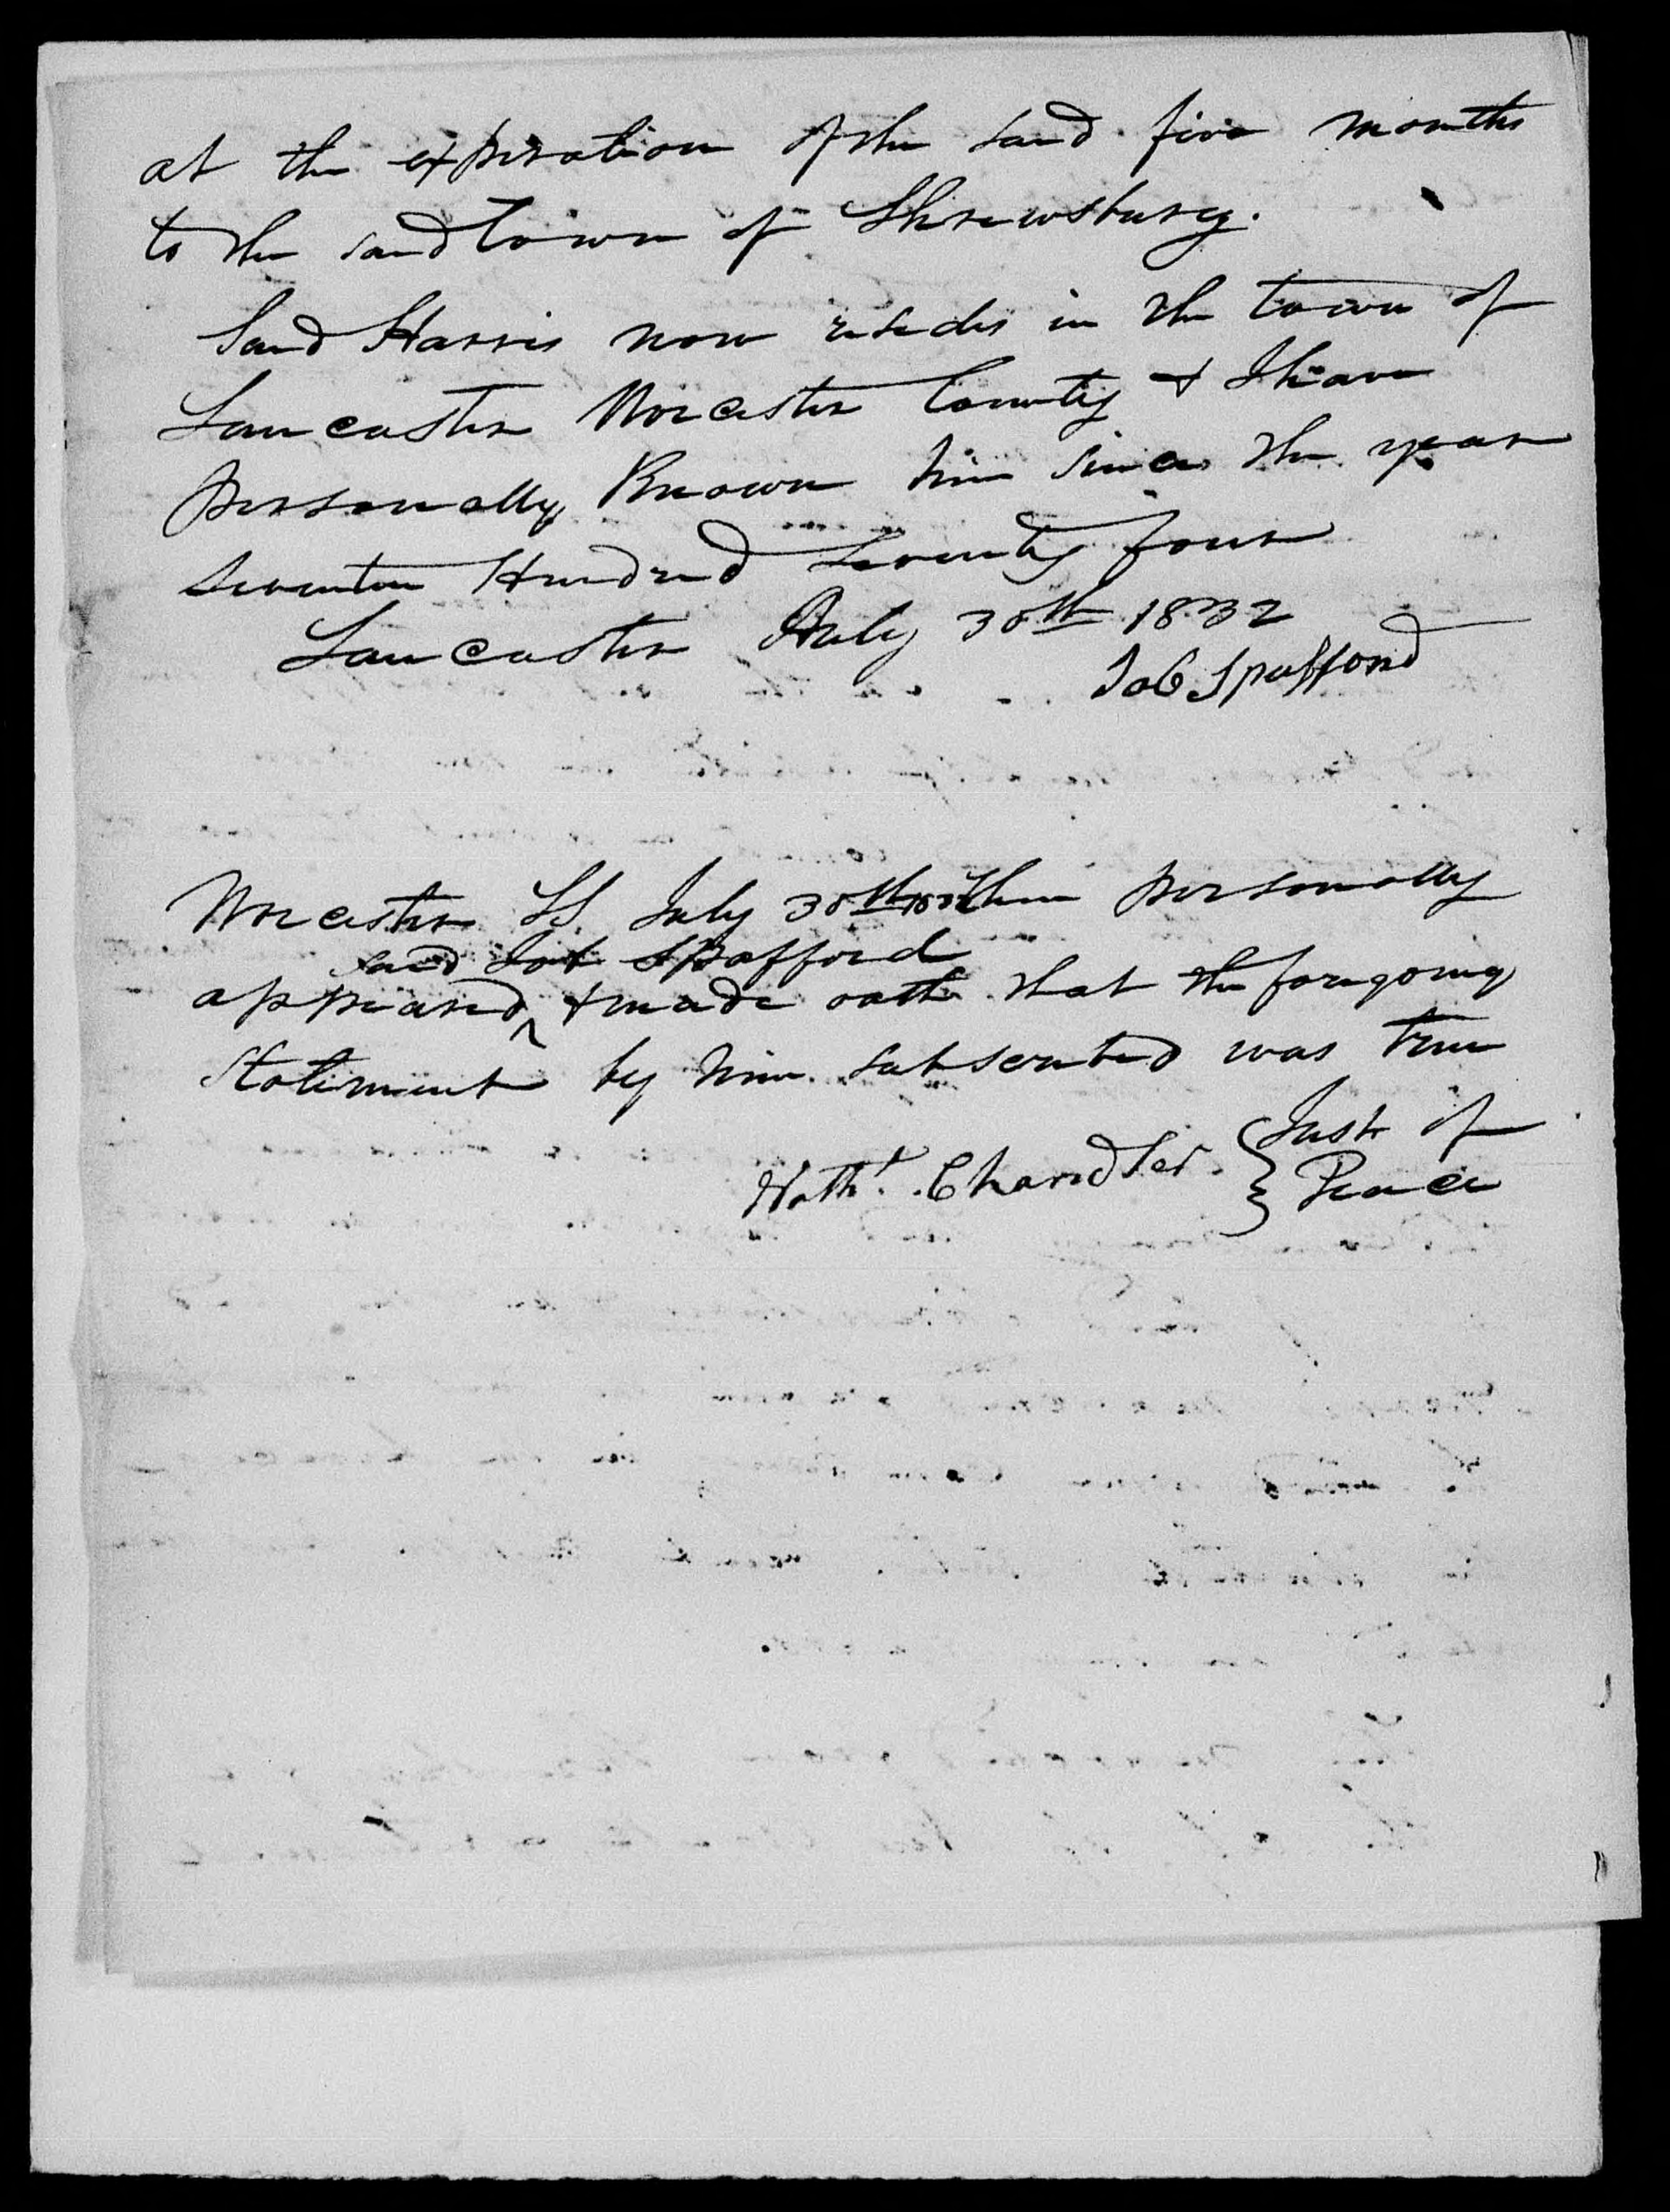at the expiration of the said five months to the said town of Shrewsbury. 

Said Harris now (?) in the town of Lancaster Worcester County & I have personally known him  (?) year Seventeen Hundred twenty four 

Lancaster  July 30th 1832
Signature of Job Spofford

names: Job Spafford, Nathl Chandler, Harris, Job Spafford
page: 20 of 68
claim: survivor's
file: S. 29,877, Daniel Harris, Mass.